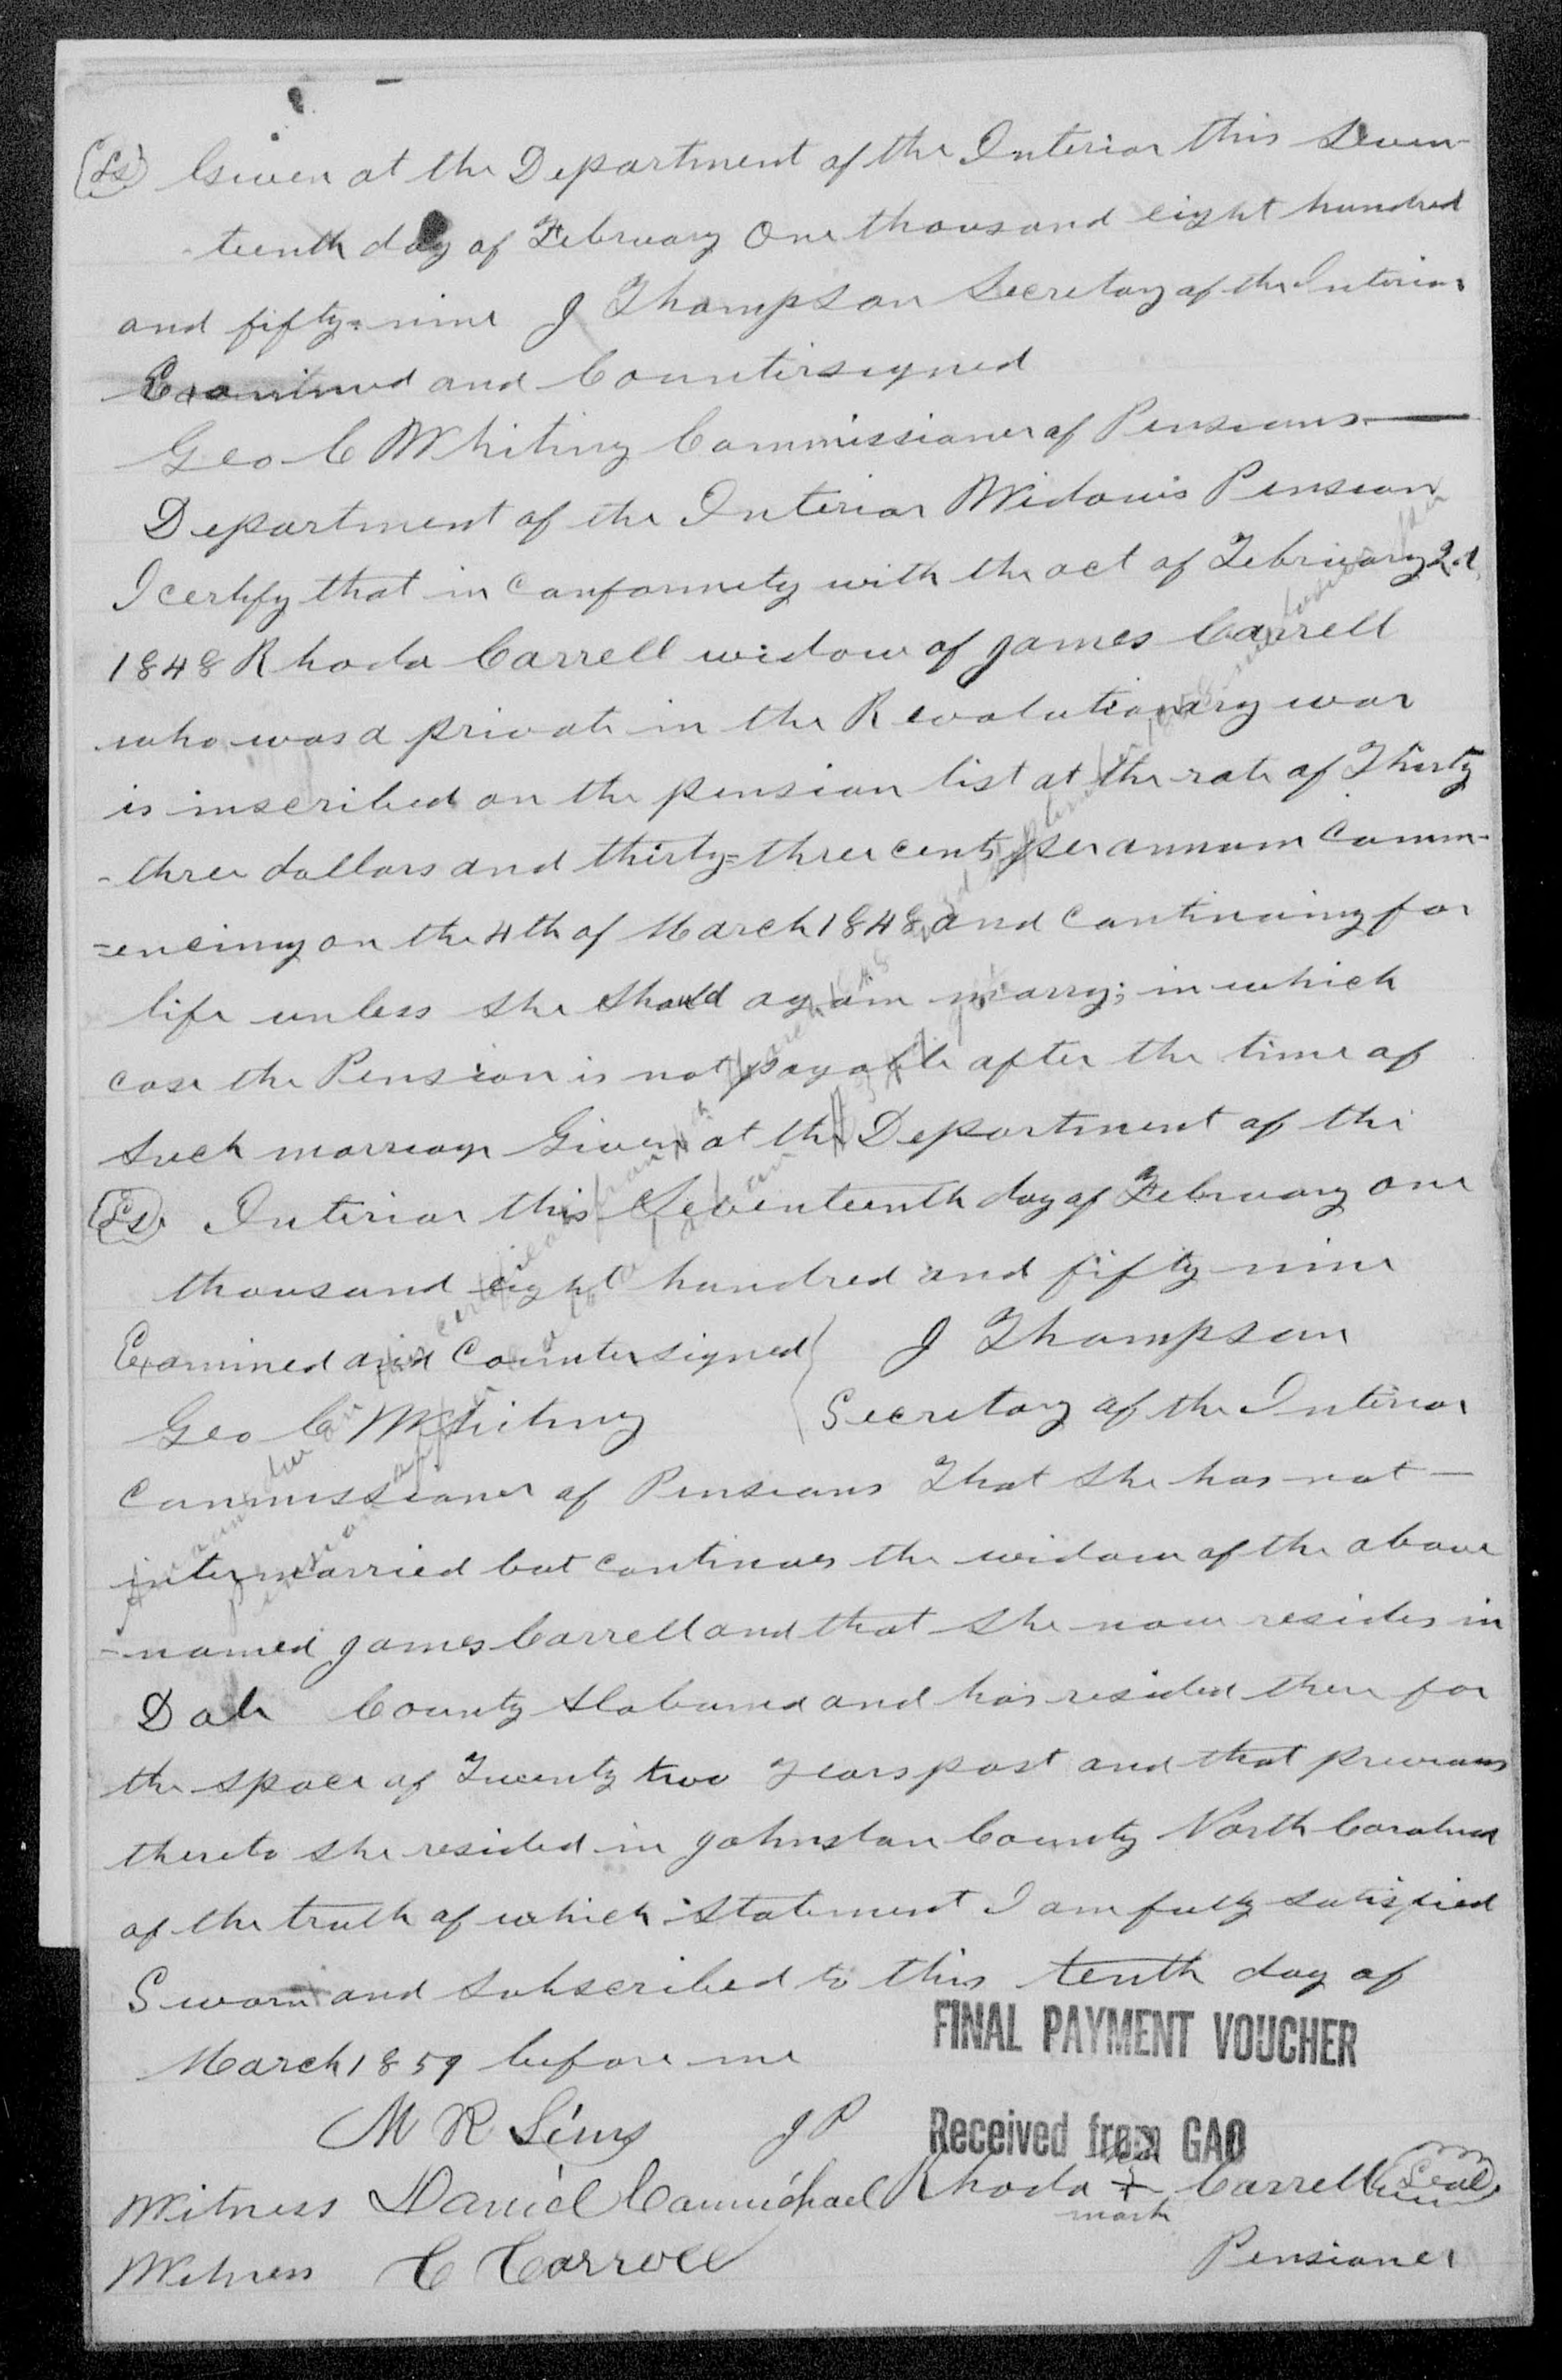Ls
[illegible]at the Department of the Interior this seventeenth day of February owes one thousand eight hundred and fifty nine. J.  Thompson Secretary of the Interior examined and countersigned
Geo C Whiting commissioner of Pensions Department of the Interior Widow's Pension.
I certify that in conformity with the act of February [illegible]  1848 Rhoda Carrell widow of James Carrell who was a  private in the Revolutionary war is inscribed on the pension list at the rate of the thirty three dollars and thirty three cents per annum commencing on the 4th of March 1848 and continuing for life unless she should again marry; in which case the Pension is not  payable after the time of such marriage.  Given at the Department of the Interior this seventeenth day of February one thousand eight hundred  and fifty nine.  Examined and countersigned Geo C Whiting 
(J. Thompson
(Secretary  of the Interior
commissioner of Pensions that she has not [illegible] married but continues the widow of the                       above named James Carrell and that she now resides in County Slaburned and has resided there for the space of twenty two years past and that previous  thereto she resided in Johnston County North Carolina of the truth of which statement I am fully satisfied .  Sworn and subscribed to this tenth day of March 1857 before me
     M R Sims
witness Daniel Carmichael
witness C Carrell
Rhoda + mark and Carrell (seal)
Pensioner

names: M R Sims, Rhoda Carrell, Daniel Carmichael, Geo C Whiting, Geo C Whiting, C Carroll, James Carrell, J Thompson, Rhoda Carrell, James Carrell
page: 24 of 86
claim: widow's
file: W. 6899, James Carrell, N.C.